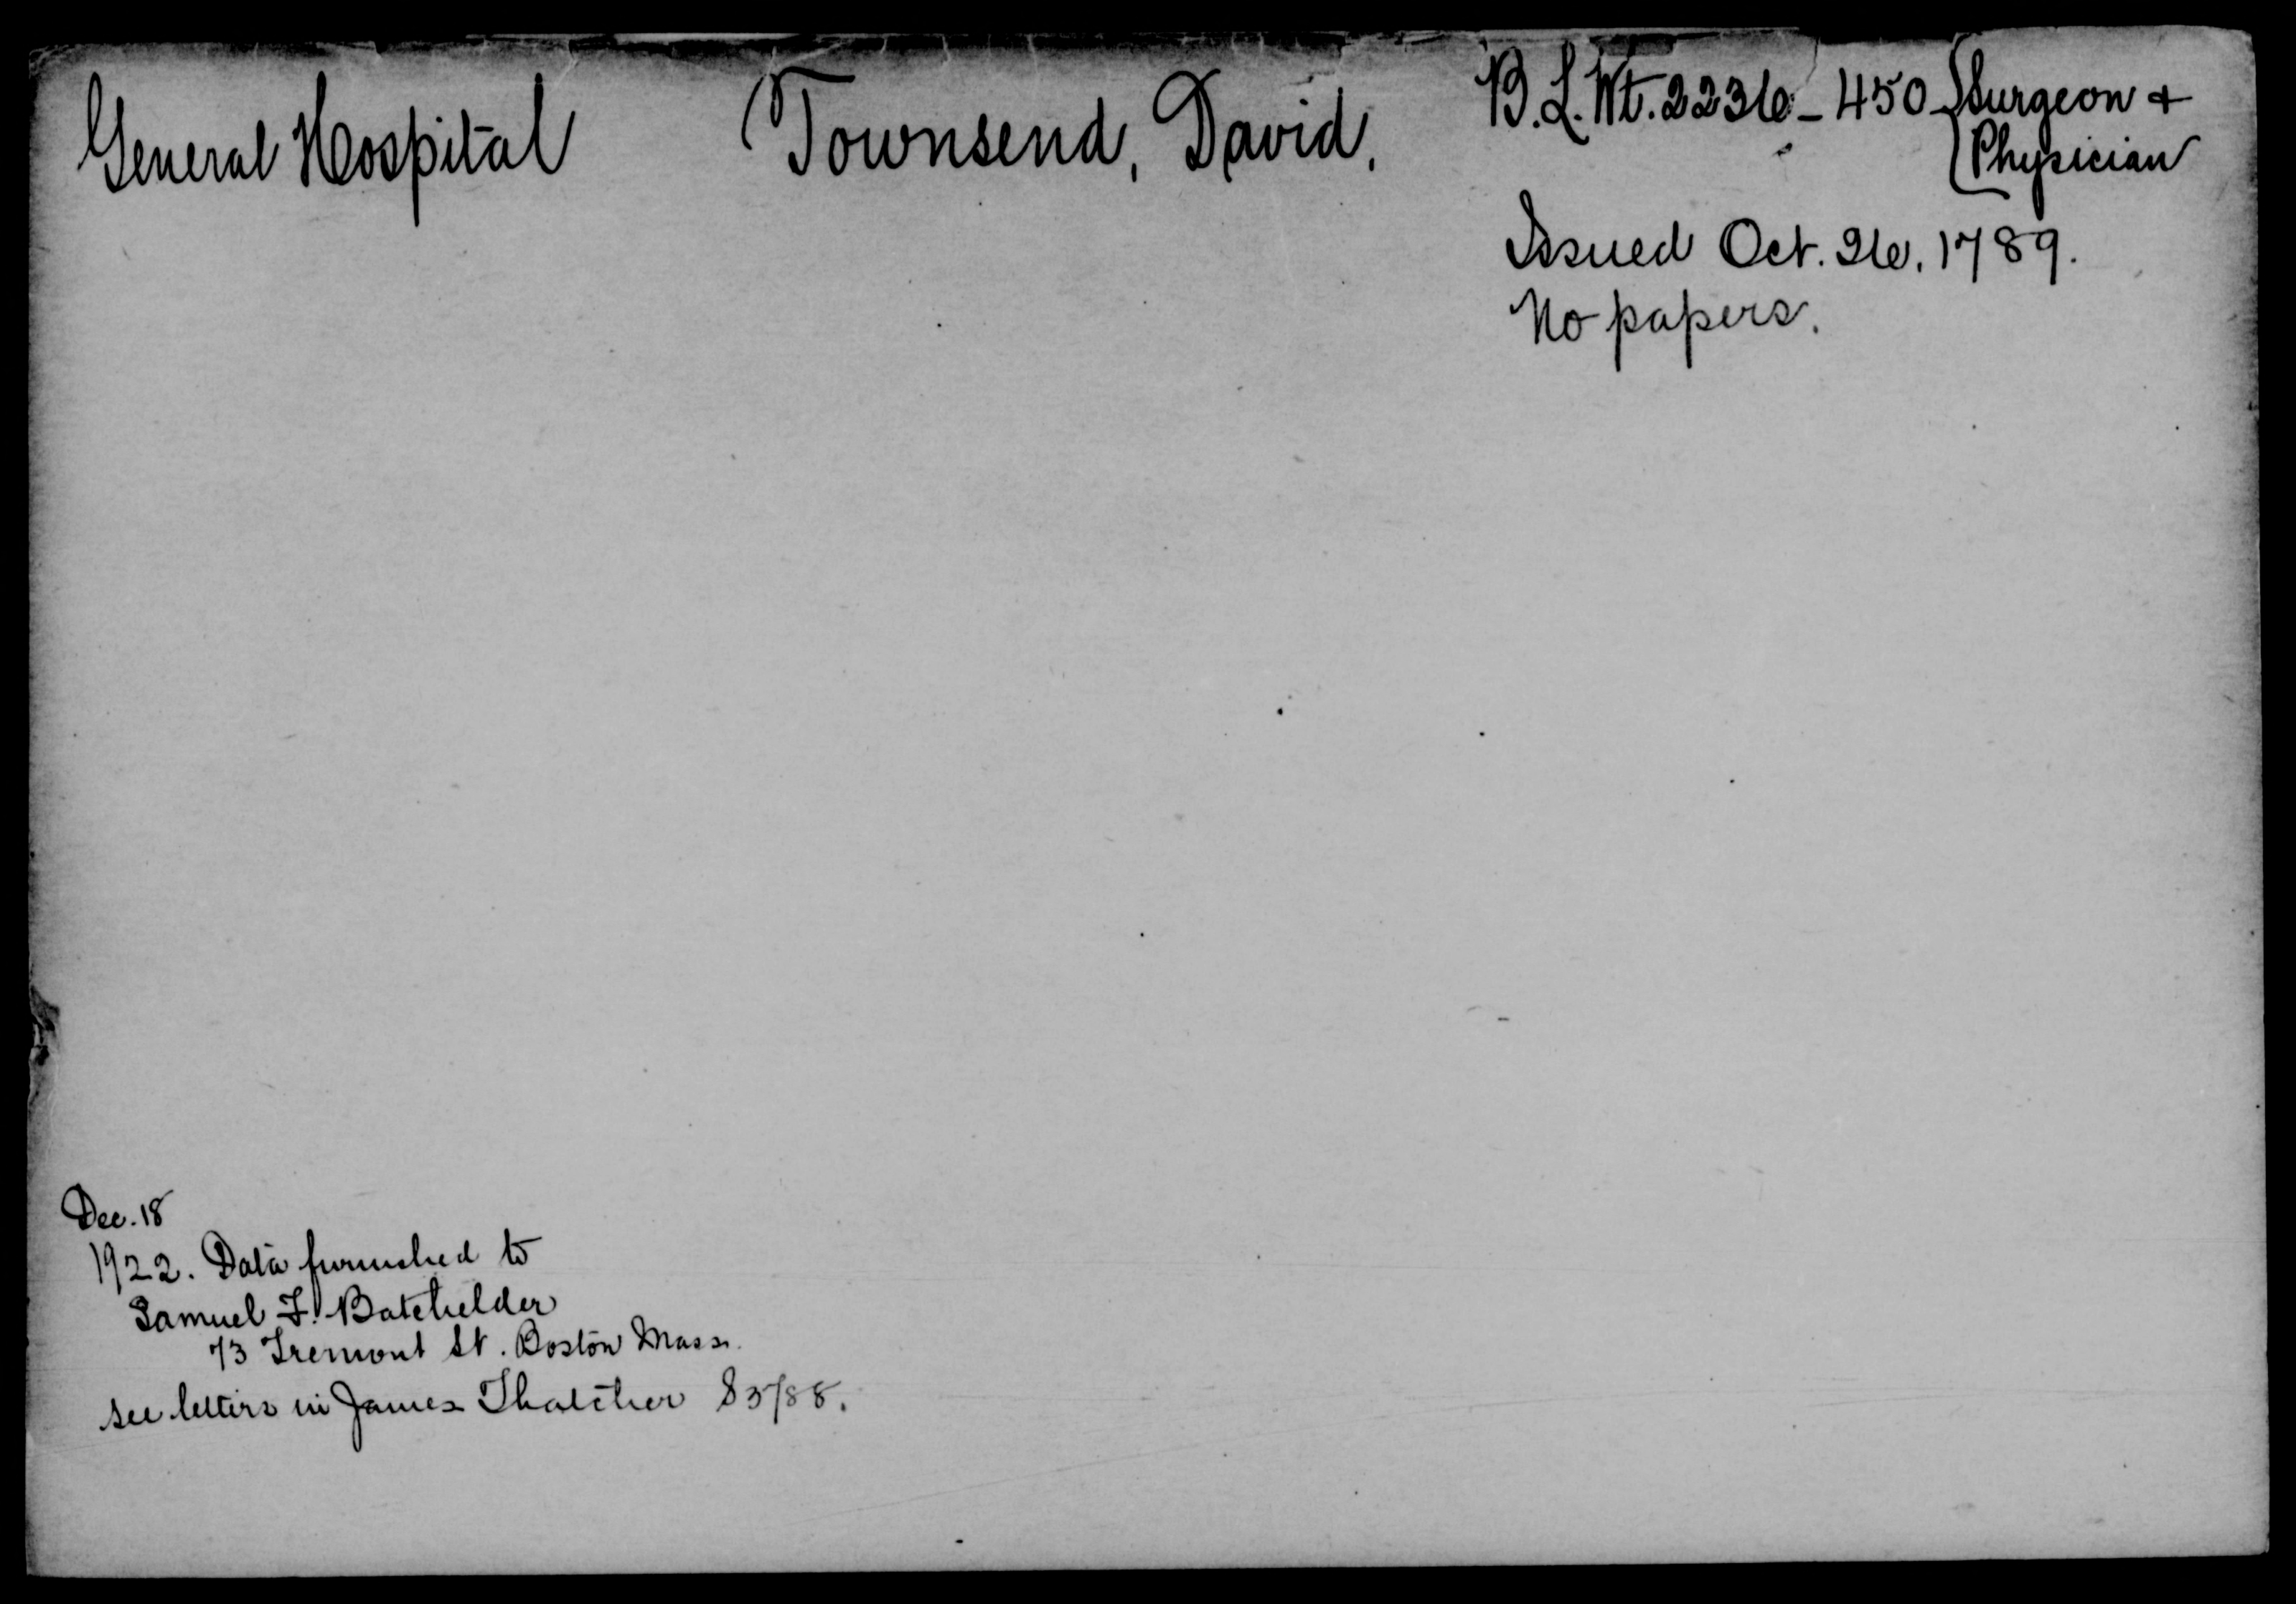General Hospital
Townsend, David
B.L. Wt. 2236-450
Surgeon &
Physician
Issued Oct. 4. 1789
No papers




Dec. 18 1922. Date furnished to
Samuel F. Batchelder
73 Tremont St. Boston Mass
see letter in James Thatcher S3788.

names: James Thatcher, Samuel F Batchelder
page: 1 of 1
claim: bounty land warrant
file: B.L.Wt. 2236 - 450, David Townsend, General Hospital